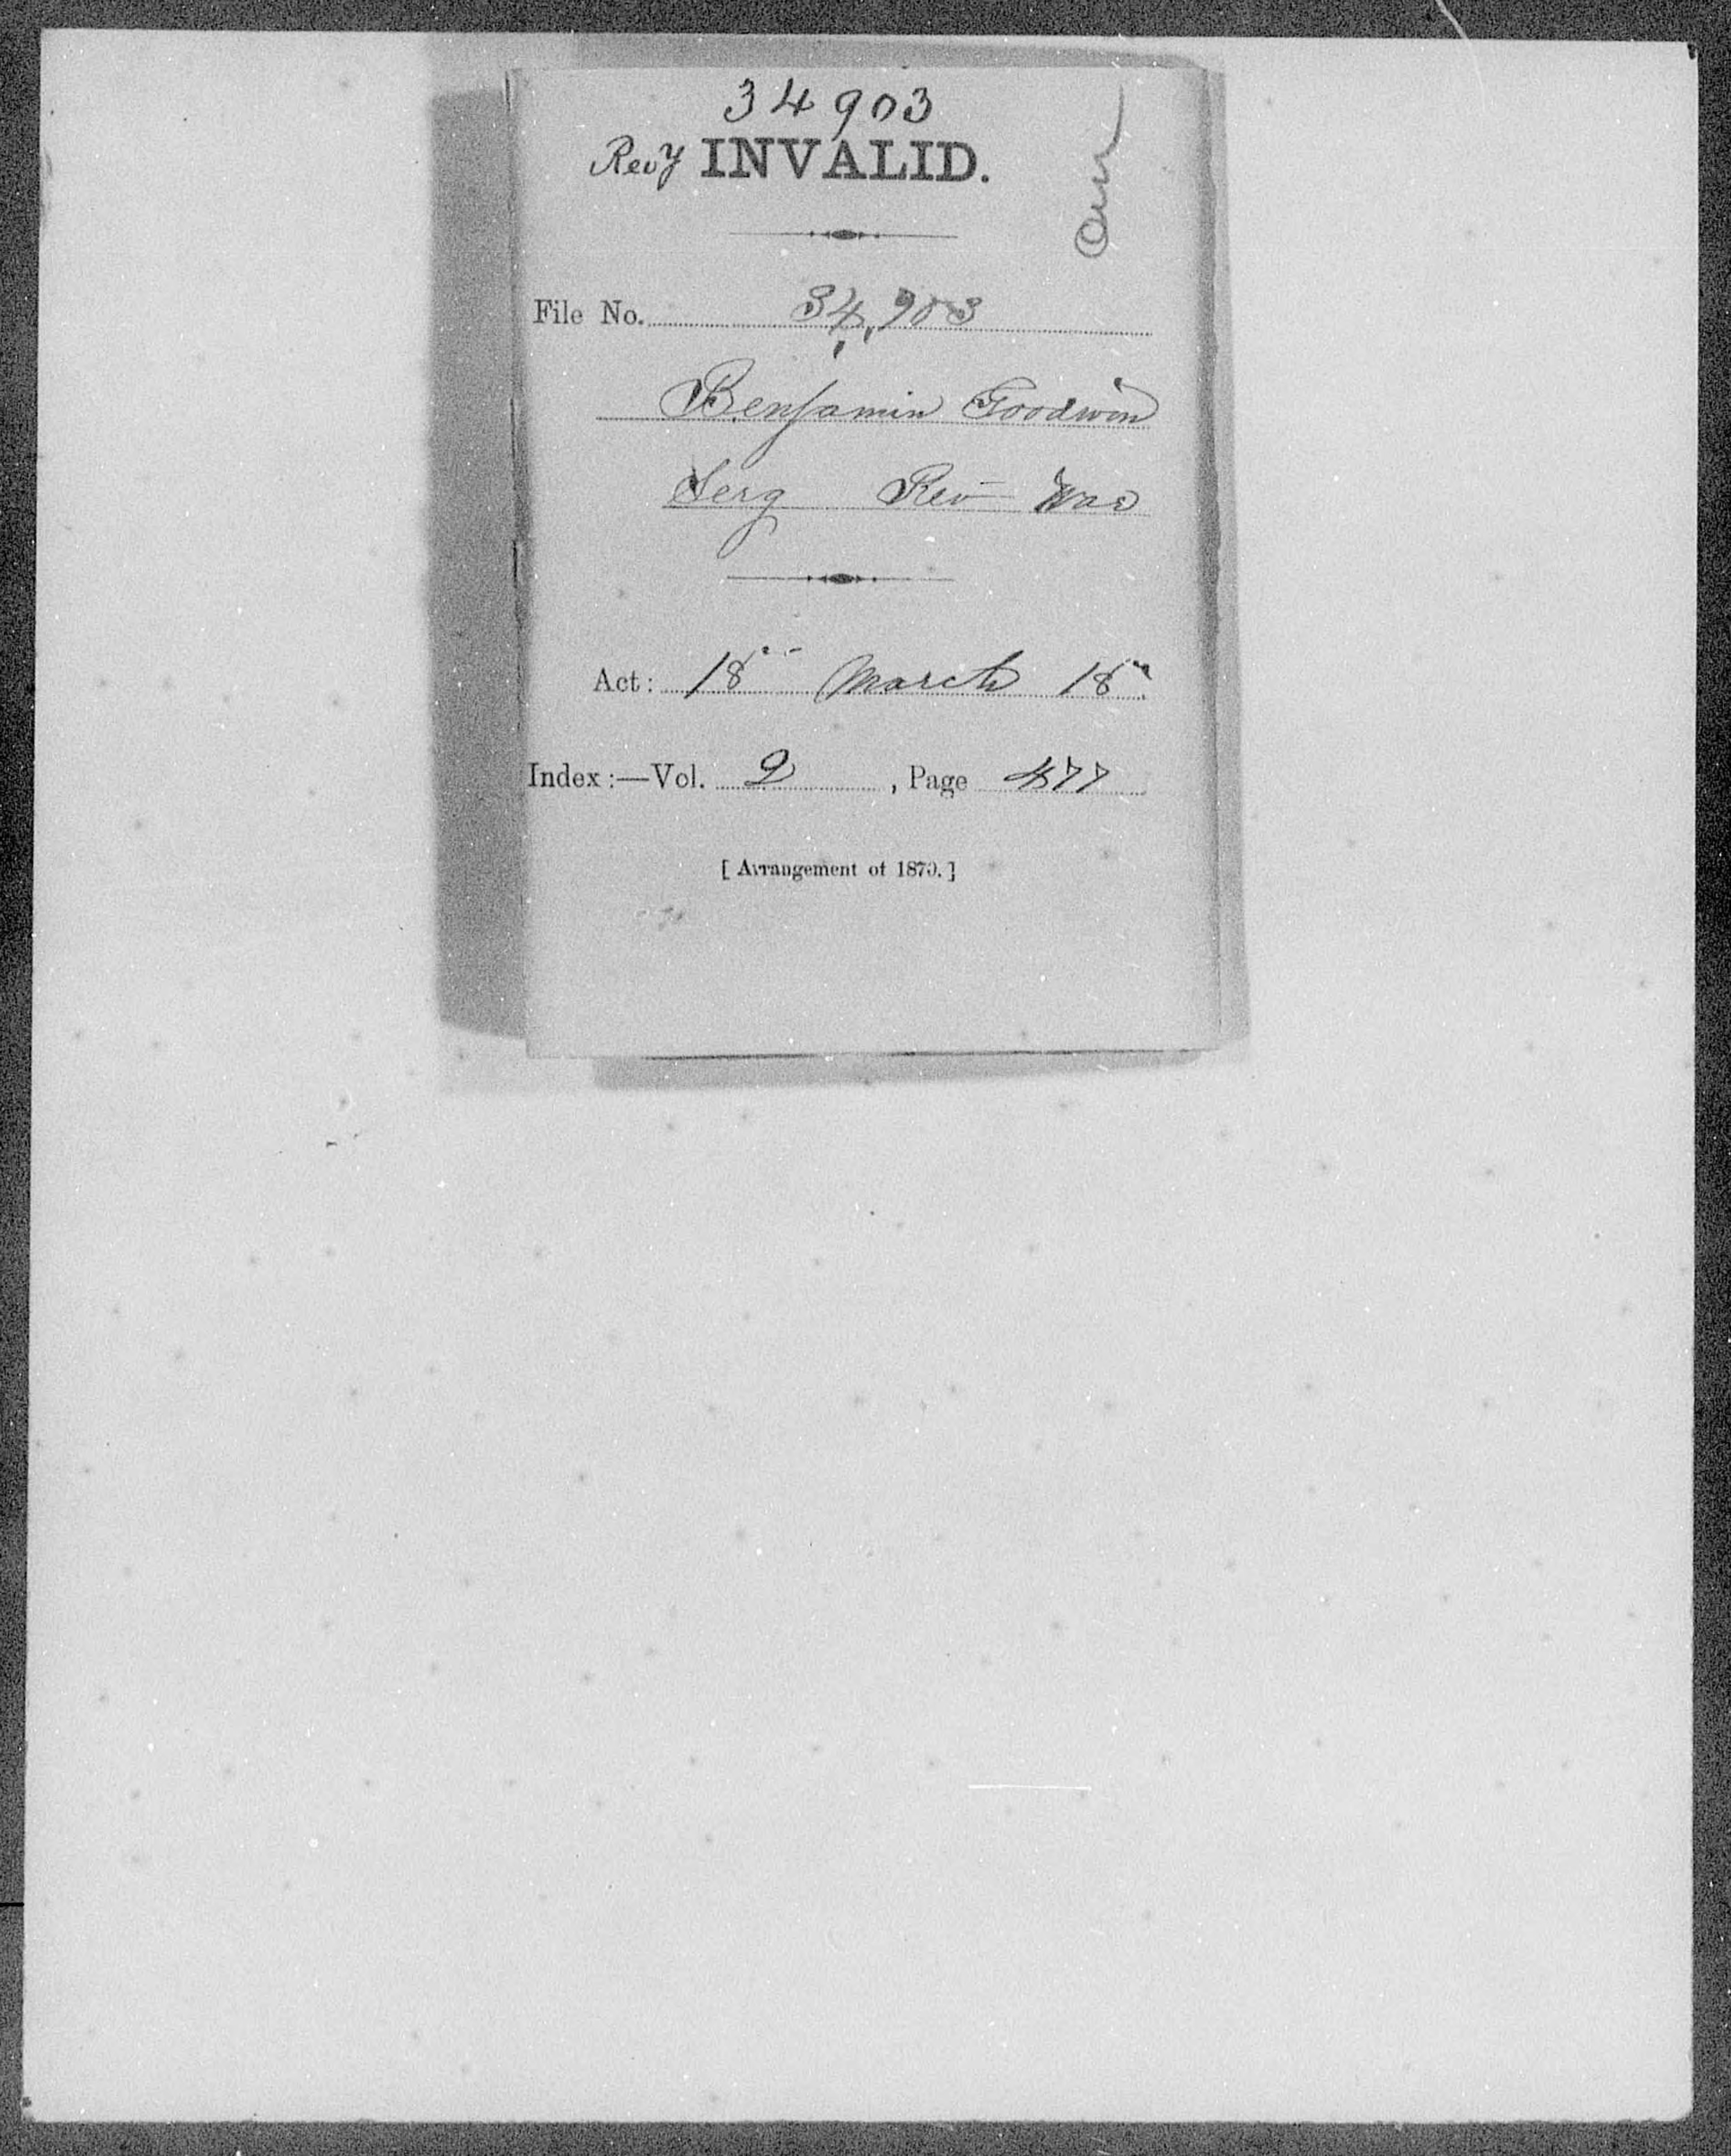34903
Revy INVALID    OW
File No. 34, 783
Benjamin Goodwin
Serg. REv. War
Act:  18 March 18"
Index: - Vol. 2, Page 477
[Arrangement of 1870.]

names: Benjamin Goodwin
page: 12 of 24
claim: survivor's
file: S. 34903, Benjamin Goodwin, Va.